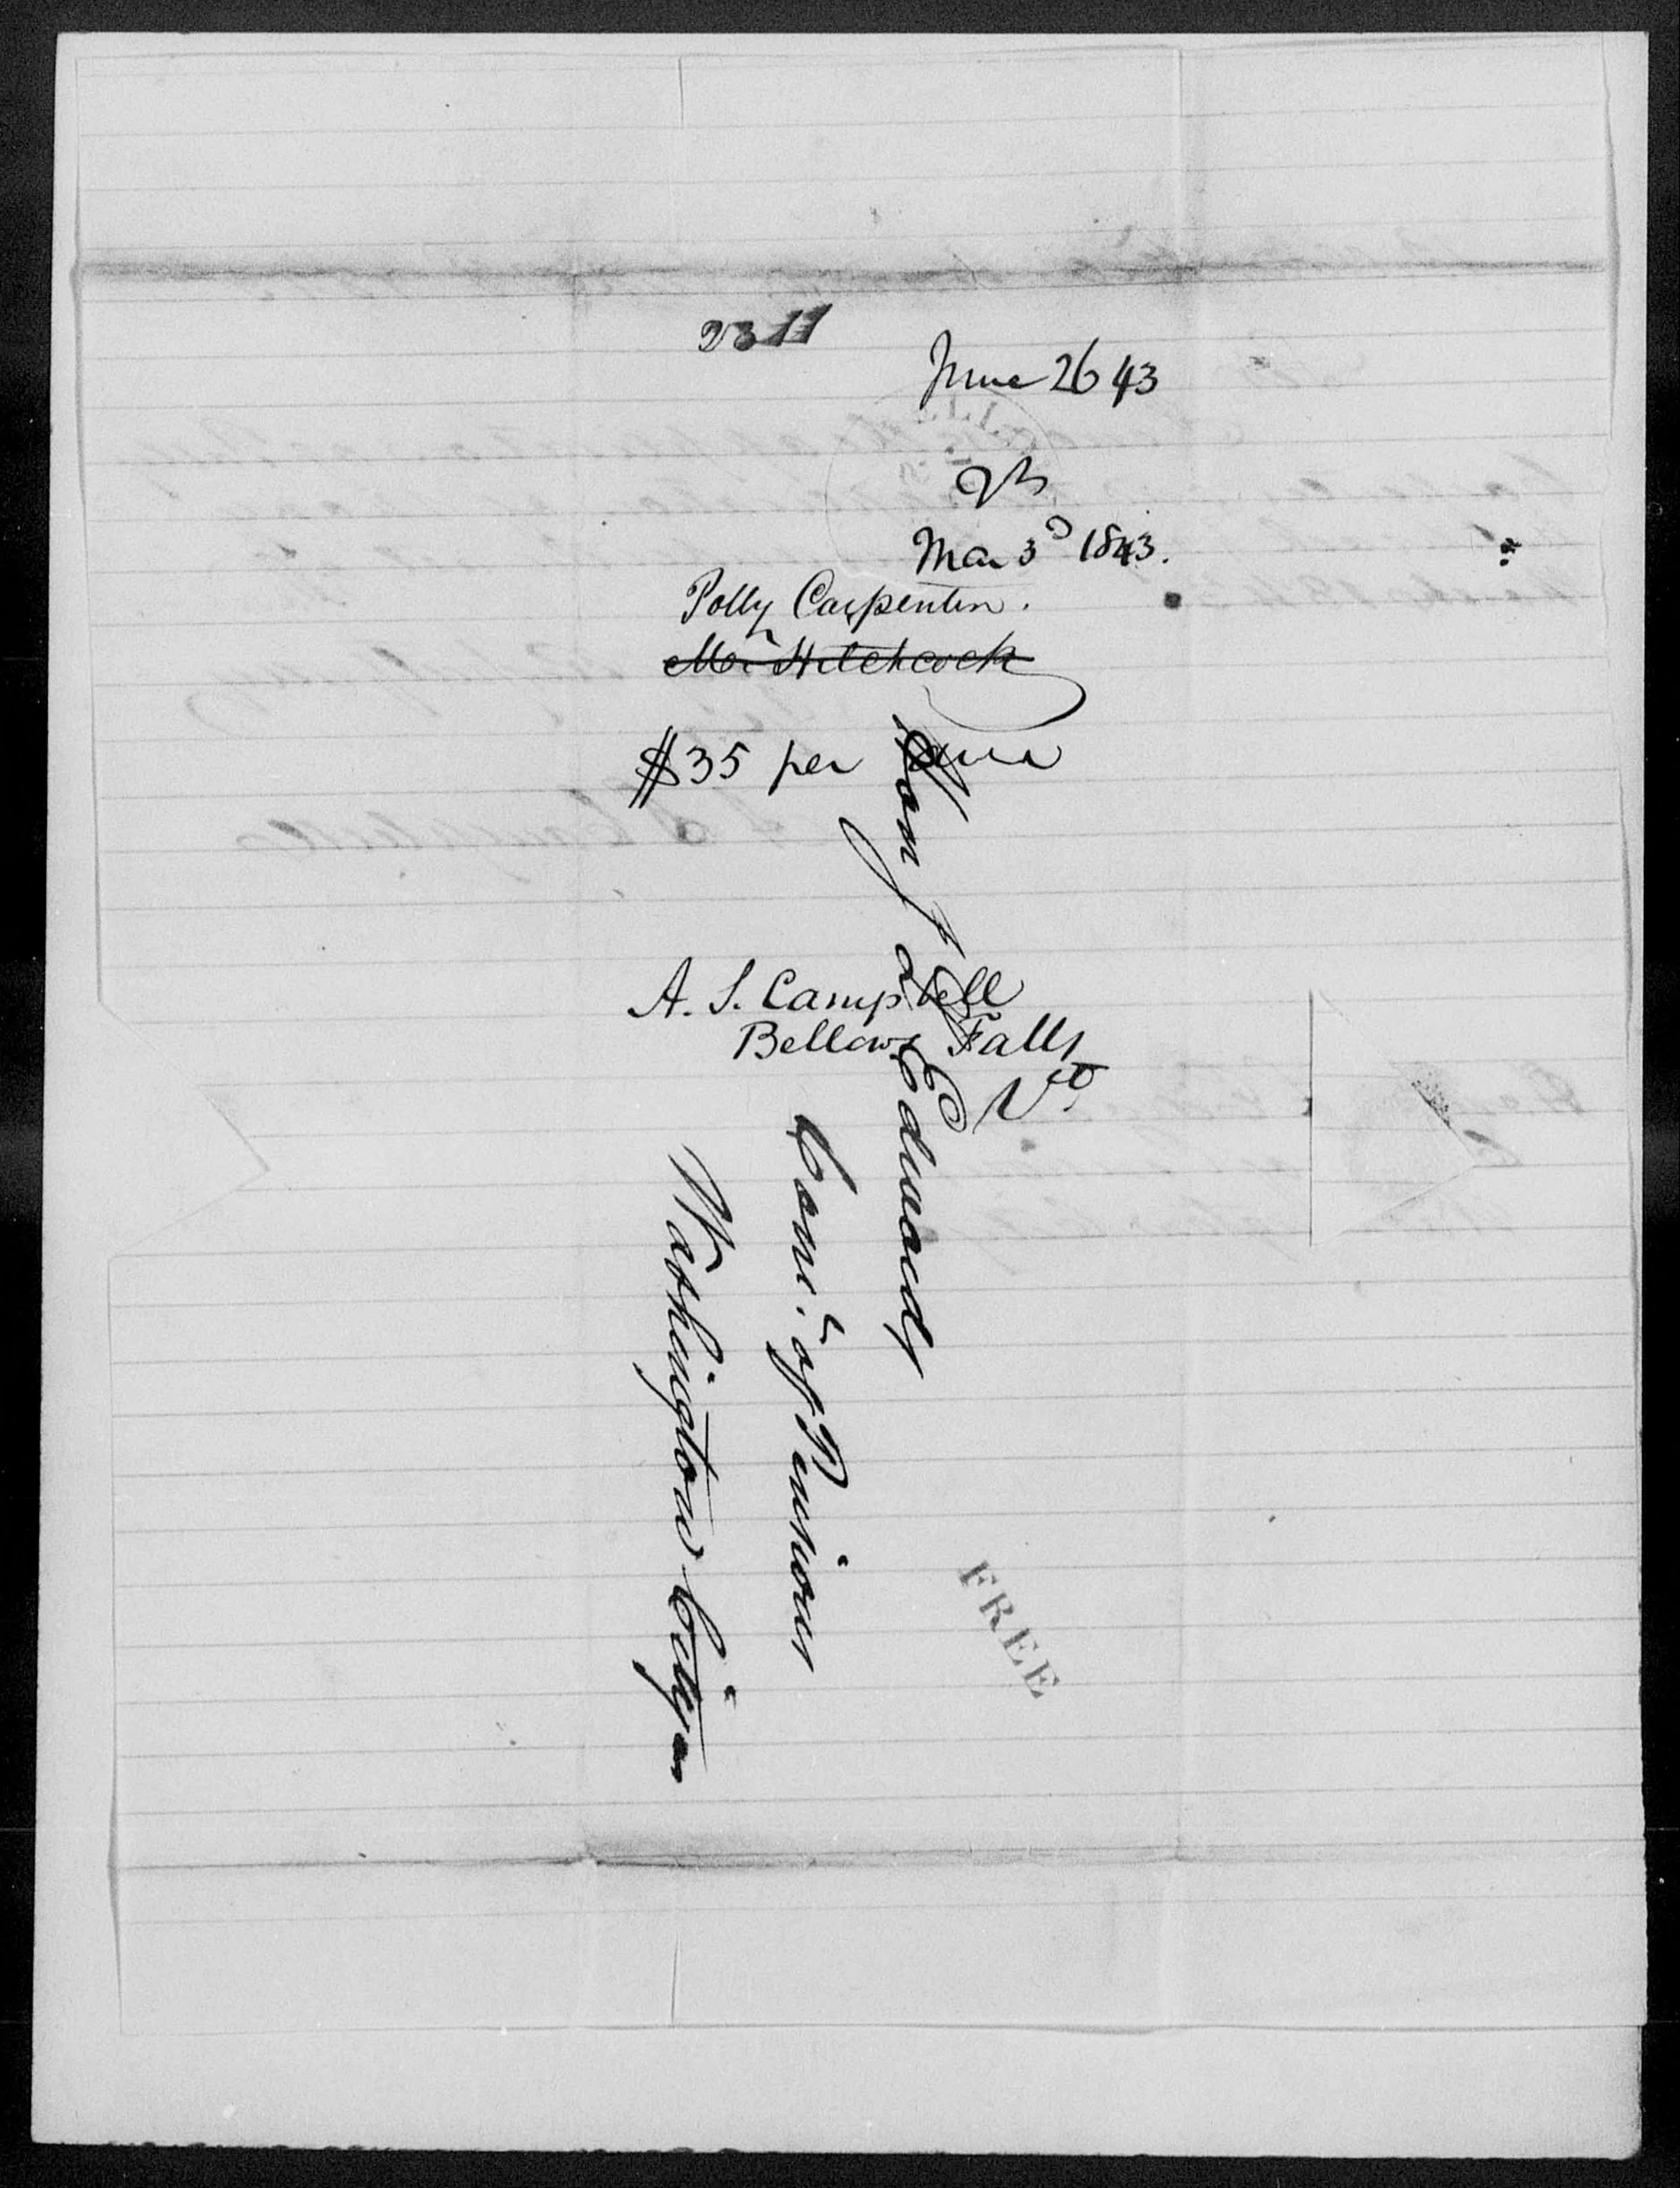[addressed envelope]

[postmark: BELLOWS FALLS VT [date illegible]

FREE 
Hon J L Edwards
Com'r of Pensions
Washington City DC

[annotations: 2841 June 26 43
Vt 
Mar 3d 1843.
Polly Carpenter
['Mr Hitchcock' crossed out]
$35 per ann

A. S. Campbell
Bellows Falls Vt.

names: J L Edwards, M Hitchcock, A S Campbell, Polly Carpenter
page: 25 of 41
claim: widow's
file: W. 15627, Timothy Carpenter, Vt.